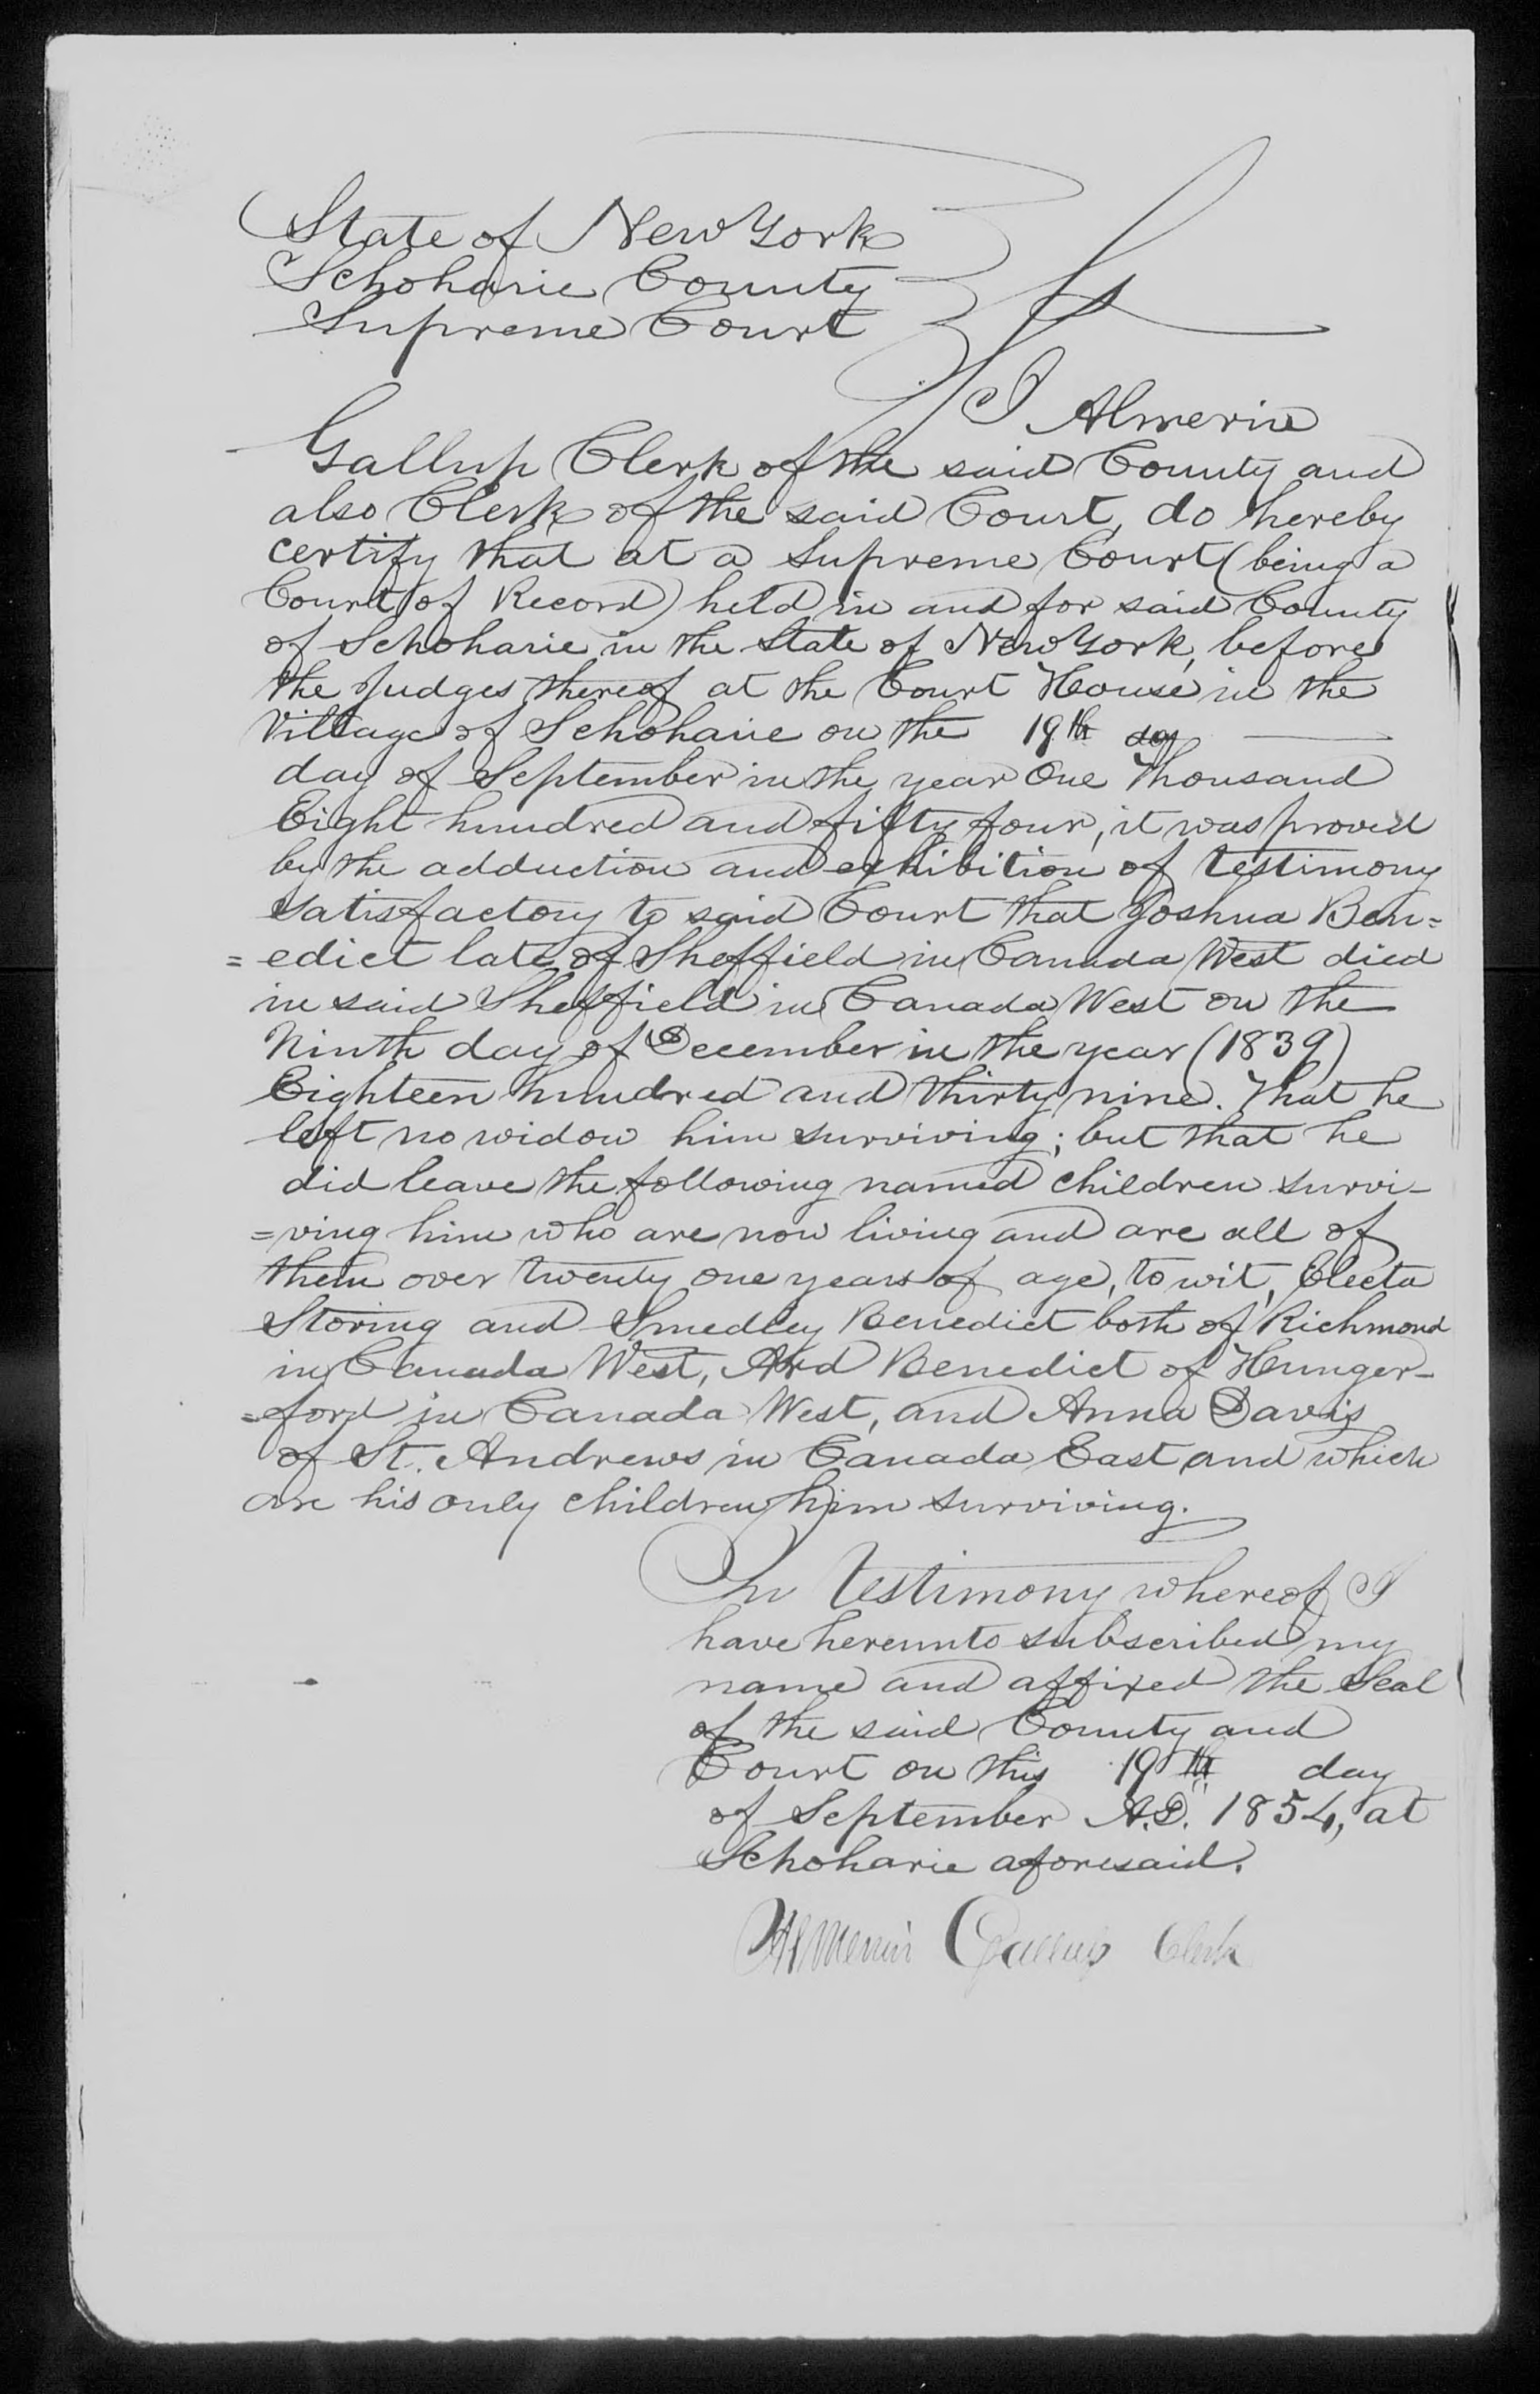State of New York
Schoharie County
Superior Court } Ss

I Almerin Gallup Clerk of the said County and also Clerk of the said Court, do hereby certify that at a Supreme Court (being a Court of Record) held in and for said County of Schoharie in the State of New York, before the Judges thereof at the Court House in the Village of Schoharie on the 18th day of September in the year One Thousand Eight hundred and fifty four, it was proved by the adduction and exhibition of testimony satisfactory to said Court that Joshua Benedict late of Sheffield in Canada West died in said Sheffield in Canada West on the ninth day of December in the year (1839) Eighteen hundred and thirty nine. That he left no widow him surviving; but that he did leave the following named children surviving him who are now living and are all of them over twenty one years of age, to wit, Electa Storing and Smedley Benedict both of Richmond in Canada West, Ard Benedict of Hungerford in Canada West, and Anna Davis of St. Andrews in Canada East and which are his only children him surviving.
In Testimony whereof I have hereunto subscribed my name and affixed the Seal of the said County and Court on this 19th day of September A.D. 1854, at Schoharie aforesaid.
Almerin Gallup Clerk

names: Almerin Gallup, Almerin Gallup, Anna Davis, Smedley Benedict, Ard Benedict, Electa Storing, Joshua Benedict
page: 90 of 106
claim: survivor's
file: S 23,116., Joshua Benedict, Conn.